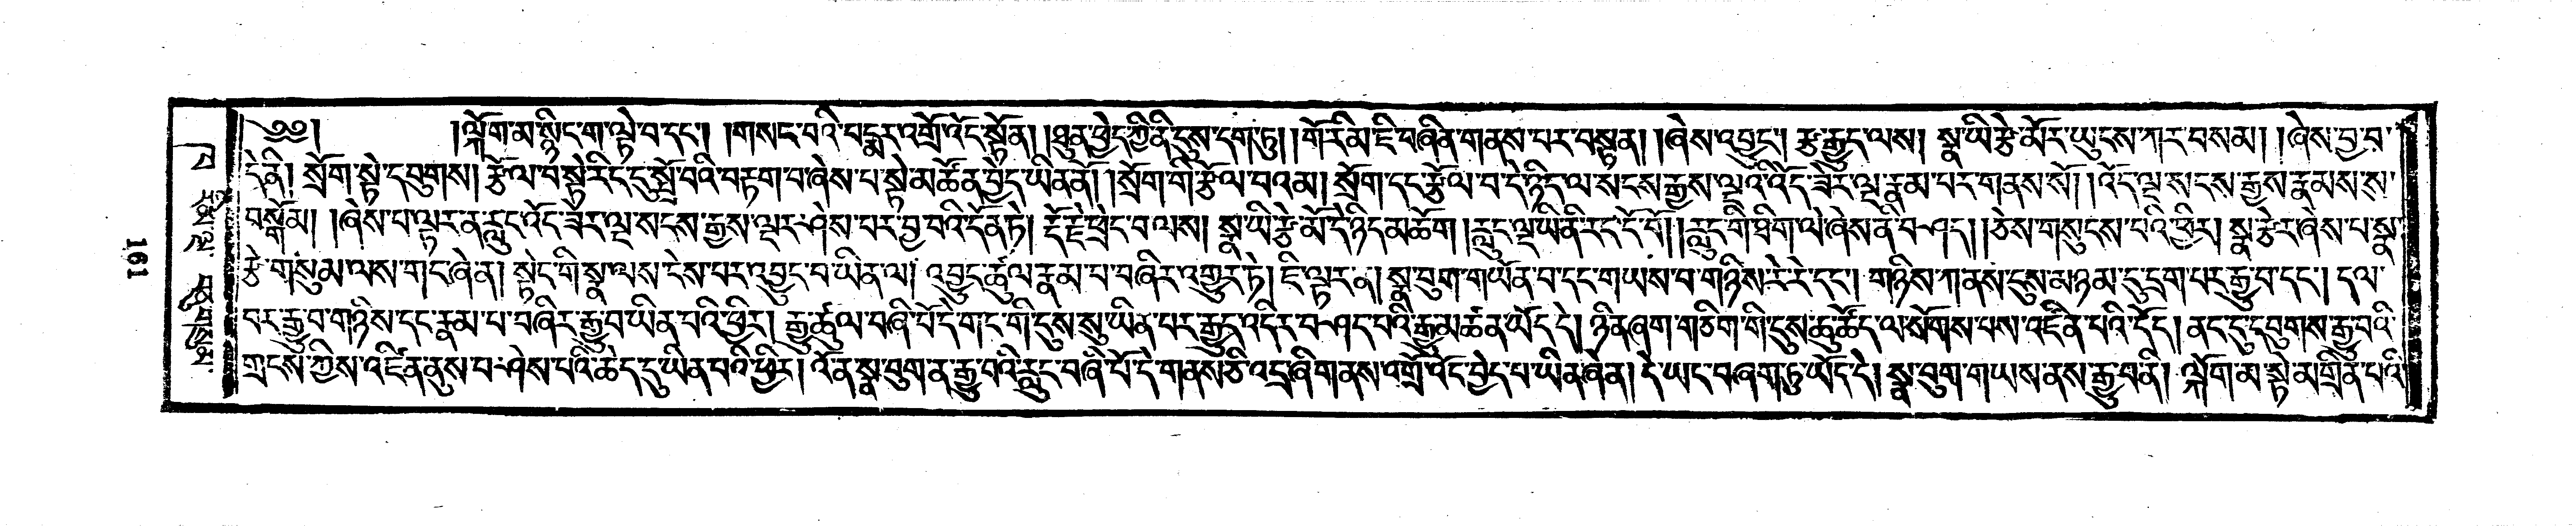༄༅། །ལྐོག་མ་སྙིང་ག་ལྟེ་བ་དང་། །གསང་བའི་པདམར་འགྲོ་འོང་སྟོན། །ཐུན་བྱེད་ཀྱི་ནི་དུས་དག་ཏུ། །གོ་རིམ་ཇི་བཞིན་གནས་པར་བསྟན། །ཞེས་འབྱུང་། རྩ་རྒྱུད་ལས། སྣ་ཡི་རྩེ་མོར་ཡུངས་ཀར་བསམ། །ཞེས་བྱ་བ་
དེ་ནི། སྲོག་སྟེ་དབུགས། རྩོལ་བ་སྟེ་རིང་དུ་སྤྲོ་བའི་བརྟག་པ་ཞེས་པ་སྟེ་མཚོན་བྱེད་ཡིན་ནོ། །སྲོག་གི་རྩོལ་བའམ། སྲོག་དང་རྩོལ་བ་དེ་ཉིད་ལ་སངས་རྒྱས་ལྔའི་འོད་ཟེར་ལྔ་རྣམ་པར་གནས་སོ། །འོད་ལྔ་སངས་རྒྱས་རྣམས་སུ་
བསྒོམ། །ཞེས་པ་ལྟར་ན་རླུང་འོད་ཟེར་ལྔ་སངས་རྒྱས་ལྔར་ཤེས་པར་བྱ་བའི་དོན་ཏེ། རྡོ་རྗེ་ཕྲེང་བ་ལས། སྣ་ཡི་རྩེ་མོ་དེ་ཉིད་མཆོག །རླུང་ལྔ་ཡི་ནི་རང་ངོ་བོ། །རླུང་གི་ཐིག་ལེ་ཞེས་ནི་བཤད། །ཅེས་གསུངས་པའི་ཕྱིར། སྣ་རྩེར་ཞེས་པ་སྣ་
རྩེ་གསུམ་ལས་གང་ཞེ་ན། སྟེང་གི་སྣ་ལས་ངེས་པར་འབྱུང་བ་ཡིན་ལ། འབྱུང་ཚུལ་རྣམ་པ་བཞིར་འགྱུར་ཏེ། ཇི་ལྟར་ན། སྣ་བུག་གཡོན་པ་དང་གཡས་པ་གཉིས་རེ་རེ་དང་། གཉིས་ཀ་ནས་དུས་མཉམ་དུ་དྲག་པར་རྒྱུ་བ་དང་། དལ་
བར་རྒྱུ་བ་གཉིས་དང་རྣམ་པ་བཞིར་རྒྱུ་བ་ཡིན་པའི་ཕྱིར། རྒྱུ་ཚུལ་བཞི་པོ་དེ་གང་གི་དུས་སུ་ཡིན་པར་རྒྱུད་འདིར་བཤད་པའི་རྒྱུ་མཚན་ཡོད་དེ། ཉིན་ཞག་གཅིག་གི་དུས་ཆུ་ཚོད་ལ་སོགས་པས་འཛིན་པའི་དོད། ནང་དུ་དབུགས་རྒྱུ་བའི་
གྲངས་ཀྱིས་འཛིན་ནུས་པ་ཤེས་པའི་ཆེད་དུ་ཡིན་པའི་ཕྱིར། འོ་ན་སྣ་བུག་ནས་རྒྱུ་བའི་རླུང་བཞི་པོ་དེ་གནས་ཅི་འདྲ་ཞིག་ནས་འགྲོ་འོང་བྱེད་པ་ཡིན་ཞེ་ན། དེ་ཡང་བཞག་ཏུ་ཡོད་དེ། སྣ་བུག་གཡས་ནས་རྒྱུ་བ་ནི། ལྐོག་མ་སྟེ་མགྲིན་པའི་